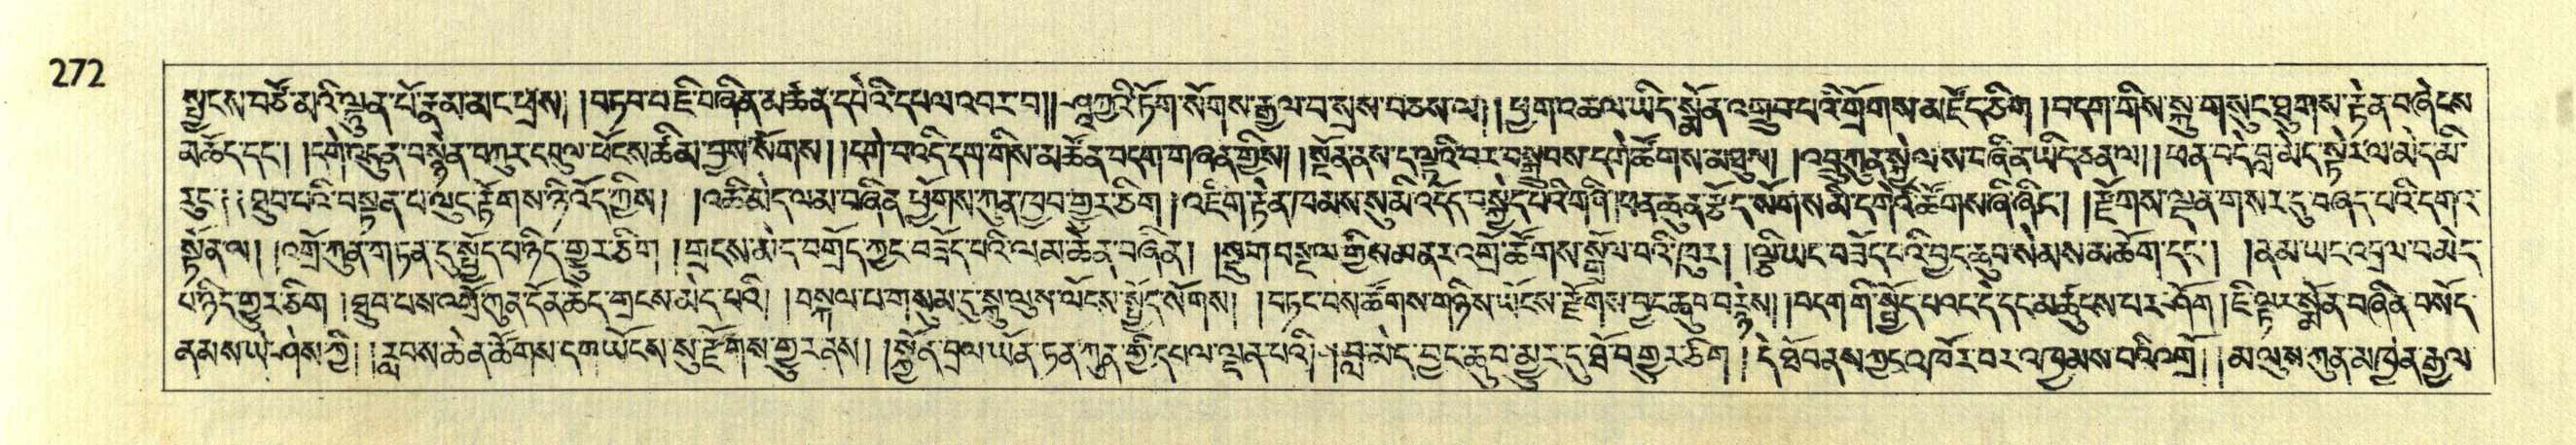སྤྱངས་བཙོ་མའི་ལྷུན་པོ་རྣམ་མང་ཕྲས། །བཏབ་པ་ཇི་བཞིན་མཚན་དཔེའི་དཔལ་འབར་བ། །ཤཱཀྱའི་ཏོག་སོགས་རྒྱལ་བ་སྲས་བཅས་ལ། །ཕྱག་འཆལ་ཡིད་སྨོན་འགྲུབ་པའི་གྲོགས་མཛོད་ཅིག །བདག་གིས་སྐུ་གསུང་ཐུགས་རྟེན་བཞེངས་
མཆོད་དང་། །དགེ་འདུན་བསྙེན་བཀུར་དབུལ་ཕོངས་ཚིམ་བྱས་སོགས། །དགེ་བ་འདི་དག་གིས་མཚོན་བདག་གཞན་གྱིས། །སྔོན་ནས་ད་ལྟའི་བར་བསྒྲུབས་དགེ་ཚོགས་མཐུས། །འབྲུ་ཀུན་སྐྱེ་ལས་བཞིན་ཡིད་ཅན་ལ། །ཕན་བདེ་བླ་མེད་སྟེར་ལ་མེད་མི་
རུང༑ ༑ཐུབ་པའི་བསྟན་པ་ལུང་རྟོགས་ཉི་འོད་ཀྱིས། །འཆི་མེད་ལམ་བཞིན་ཕྱོགས་ཀུན་ཁྱབ་གྱུར་ཅིག །འཇིག་རྟེན་ཁམས་སུ་མི་འདོད་བསྐྱེད་པའི་གཞི། ཕན་ཚུན་རྩོད་སོགས་མི་དགེའི་ཚོགས་ཞི་ཞིང་། །རྫོགས་ལྡན་གསར་དུ་བཞད་པའི་དགའ་
སྟོན་ལ། །འགྲོ་ཀུན་གཏན་དུ་སྤྱོད་པ་ཉིད་གྱུར་ཅིག །གྲངས་མེད་བགྲོད་ཀྱང་བཟོད་པའི་ལམ་ཆེན་བཞིན། །སྡུག་བསྔལ་གྱིས་མནར་འགྲོ་ཚོགས་སྒྲོལ་བའི་ཁུར། །ལྕི་ཡང་བཟོད་པའི་བྱང་ཆུབ་སེམས་མཆོག་དང་། །ནམ་ཡང་འབྲལ་བ་མེད་
པ་ཉིད་གྱུར་ཅིག །ཐུབ་པས་འགྲོ་ཀུན་དོན་ཆེད་གྲངས་མེད་པའི། །བསྐལ་པ་གསུམ་དུ་སྐུ་ལུས་ལོངས་སྤྱོད་སོགས། །བཏང་བས་ཚོགས་གཉིས་ཡོངས་རྫོགས་བྱང་ཆུབ་བརྙེས། །བདག་གི་སྤྱོད་པའང་དེ་དང་མཚུངས་པར་ཤོག །ཇི་ལྟར་སྨོན་བཞིན་བསོད་
ནམས་ཡེ་ཤེས་ཀྱི། །རླབས་ཆེན་ཚོགས་དག་ཡོངས་སུ་རྫོགས་གྱུར་ནས། །སྐྱོན་བྲལ་ཡོན་ཏན་ཀུན་གྱི་དཔལ་ལྡན་པའི། །བླ་མེད་བྱང་ཆུབ་མྱུར་དུ་ཐོབ་གྱུར་ཅིག །དེ་ཐོབ་ནས་ཀྱང་འཁོར་བར་འཁྱམས་བའི་འགྲོ། །མ་ལུས་ཀུན་མཁྱེན་རྒྱལ་